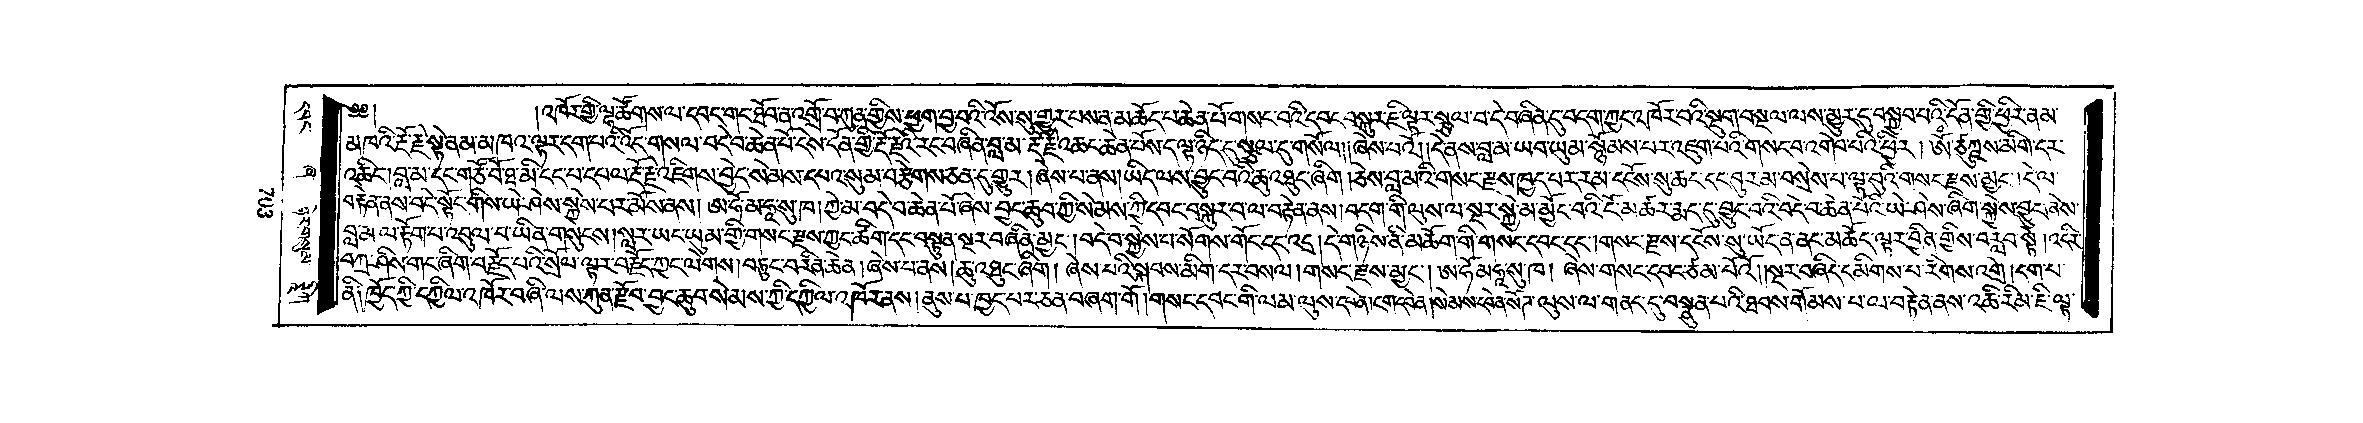༄༅། །འཁོར་གྱི་ལྷ་ཚོགས་ལ་དབང་གང་ཐོབ་ན་འགྲོ་བ་ཀུན་གྱིས་ཕྱག་བྱ་བའི་འོས་སུ་གྱུར་པས་ན་མཆོད་པ་ཆེན་པོ་གསང་བའི་དབང་བསྐུར་ཇི་ལྟར་སྩལ་བ་དེ་བཞིན་དུ་བདག་ཀྱང་འཁོར་བའི་སྡུག་བསྔལ་ལས་མྱུར་དུ་བསྐྱབ་པའི་དོན་གྱི་ཕྱིར་ནམ་
མཁའི་རྡོ་རྗེ་སྟེ་ནམ་མཁའ་ལྟར་དག་པའི་འོད་གསལ་བདེ་བ་ཆེན་པོ་དེས་དོན་གྱི་རྡོ་རྗེའི་རང་བཞིན་བླ་མ་རྡོ་རྗེ་འཆང་ཆེན་པོས་ད་ལྟ་ཉིད་དུ་སྩལ་དུ་གསོལ། །ཞེས་པའོ། །དེ་ནས་བླ་མ་ཡབ་ཡུམ་སྙོམས་པར་འཇུག་པའི་གསང་བ་འགེབ་པའི་ཕྱིར། ཨོཾ་ཙྐྵུས་མིག་དར་
འཆིང་། བླ་མ་དང་གཙོ་བོ་ཐ་མི་དད་པ་དཔལ་རྡོ་རྗེ་འཇིགས་བྱེད་སེམས་དཔའ་སུམ་བརྩེགས་ཅན་དུ་གྱུར། ཞེས་པ་ནས། ཡིད་ལས་བྱུང་བའི་ཆུ་འཐུང་ཞིག །ཅེས་བླ་མའི་གསང་རྫས་ཁྱད་པར་རམ་དངོས་སུ་ཆང་དང་བུར་མ་བསྲེས་པ་ལྟ་བུའི་གསང་རྫས་མྱང་། དེ་ལ་
བརྟེན་ནས་བདེ་སྟོང་གིས་ཡེ་ཤེས་སྐྱེས་པར་མོས་ནས། ཨ་ཧོ་མཧཱ་སུ་ཁ། ཀྱེ་མ་བདེ་བ་ཆེན་པོ་ཞེས་བྱང་ཆུབ་ཀྱི་སེམས་ཀྱི་དབང་བསྐུར་བ་ལ་བརྟེན་ནས། བདག་གི་ལུས་ལ་སྔར་སྐྱེ་མ་མྱོང་བའི་ངོ་མཚར་རྨད་དུ་བྱུང་བའི་བདེ་བ་ཆེན་པོའི་ཡེ་ཤེས་ཞིག་སྐྱེས་བྱུང་ཞེས་
བླ་མ་ལ་རྟོག་པ་འབུལ་པ་ཡིན་གསུངས། སླར་ཡང་ཡུམ་གྱི་གསང་རྫས་ཀྱང་ཚིག་དང་བསྟུན་སྔར་བཞིན་མྱང་། བདེ་བ་སྐྱེས་པ་སོགས་གོང་དང་འདྲ། དེ་གཉིས་ནི་མཆོག་གི་གསང་དབང་དང་། གསང་རྫས་དངོས་སུ་ཡོད་ན་ནང་མཆོད་ལྟར་བྱིན་གྱིས་བརླབ་སྟེ། འདིར་
བཀྲ་ཤིས་གང་ཞིག་བརྗོད་པའི་སྲོལ་ལྟར་བརྗོད་ཀྱང་ལེགས། བཏུང་བ་རིན་ཆེན། ཞེས་པ་ནས། ཆུ་འཐུང་ཞིག །ཞེས་པའི་སྐབས་མིག་དར་བསལ། གསང་རྫས་མྱང་། ཨ་ཧོ་མཧཱ་སུ་ཁ། ཞེས་གསང་དབང་ཙམ་པོའོ། །སྔར་བཞིན་དམིགས་པ་རིགས་འགྲེ། དག་པ་
ནི། ཁྱོད་ཀྱི་དཀྱིལ་འཁོར་བཞི་ལས་ཀུན་རྫོབ་བྱང་ཆུབ་སེམས་ཀྱི་དཀྱིལ་འཁོར་ནས། ནུས་པ་ཁྱད་པར་ཅན་བཞག་གོ །གསང་དབང་གི་ལམ་ལུས་དབེན། ངག་དབེན། སེམས་དབེན་སོགས་ལུས་ལ་གནད་དུ་བསྣུན་པའི་ཐབས་གོམས་པ་ལ་བརྟེན་ནས་འཆི་རིམ་ཇི་ལྟ་